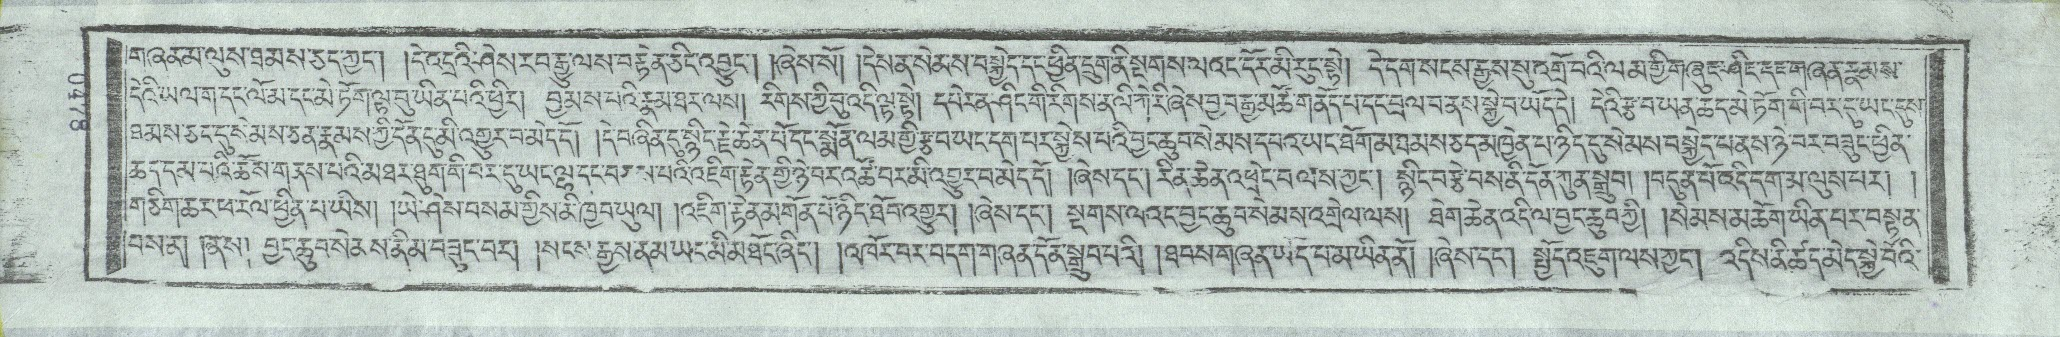གཞན་མ་ལུས་ཐམས་ཅད་ཀྱང་། །དེ་འདྲའི་ཤེས་རབ་རྒྱུ་ལས་བརྟེན་ཅིང་འབྱུང་། །ཞེས་སོ། །དེས་ན་སེམས་བསྐྱེད་དང་ཕྱིན་དྲུག་ནི་སྔགས་ལའང་དོར་མི་རུང་སྟེ། དེ་དག་སངས་རྒྱས་སུ་འགྲོ་བའི་ལམ་གྱི་གཞུང་ཤིང་དང་གཞན་རྣམས་
དེའི་ཡལ་ག་དང་ལོ་མ་དང་མེ་ཏོག་ལྟ་བུ་ཡིན་པའི་ཕྱིར། བྱམས་པའི་རྣམ་ཐར་ལས། རིགས་ཀྱི་བུ་འདི་ལྟ་སྟེ། དཔེར་ན་ཤིང་གི་རིགས་ན་ལི་ཀེ་རི་ཞེས་བྱ་བ་རྒྱ་མཚོ་གནོད་པ་དང་བྲལ་བ་ནས་སྐྱེ་བ་ཡོད་དེ། དེའི་རྩ་བ་ཡན་ཆད་མེ་ཏོག་གི་བར་དུ་ཡང་དུས་
ཐམས་ཅད་དུ་སེམས་ཅན་རྣམས་ཀྱི་དོན་དུ་མི་འགྱུར་བ་མེད་དོ། །དེ་བཞིན་དུ་སྙིང་རྗེ་ཆེན་པོ་དང་སྨོན་ལམ་གྱི་རྩ་བ་ཡང་དག་པར་སྐྱེས་པའི་བྱང་ཆུབ་སེམས་དཔའ་ཡང་ཐོག་མ་ཐམས་ཅད་མཁྱེན་པ་ཉིད་དུ་སེམས་བསྐྱེད་པ་ནས་ཉེ་བར་བཟུང་ཕྱིན་
ཆད་དམ་པའི་ཆོས་གནས་པའི་མཐར་ཐུག་གི་པར་དུ་ཡང་ལྷ་དང་བཅས་པའི་འཇིག་རྟེན་གྱི་ཉེ་བར་འཚོ་བར་མི་འགྱུར་བ་མེད་དོ། །ཞེས་དང་། རིན་ཆེན་འཕྲེང་བ་ལས་ཀྱང་། སྙིང་བརྩེ་བས་ནི་དོན་ཀུན་སྒྲུབ། །བདུན་པོ་འདི་དག་མ་ལུས་པར། །
གཅིག་ཆར་ཕ་རོལ་ཕྱིན་པ་ཡིས། །ཡེ་ཤེས་བསམ་གྱིས་མི་ཁྱབ་ཡུལ། །འཇིག་རྟེན་མགོན་པོ་ཉིད་ཐོབ་འགྱུར། །ཞེས་དང་། སྔགས་ལའང་བྱང་ཆུབ་སེམས་འགྲེལ་ལས། ཐེག་ཆེན་འདི་ལ་བྱང་ཆུབ་ཀྱི། །སེམས་མཆོག་ཡིན་པར་བསྟན་
བས་ན། །ནས། བྱང་ཆུབ་སེམས་ནི་མ་བཟུང་བར། །སངས་རྒྱས་ནམ་ཡང་མི་མཐོང་ཞིང་། །འཁོར་བར་བདག་གཞན་དོན་སྒྲུབ་པའི། །ཐབས་གཞན་ཡོད་པ་མ་ཡིན་ནོ། །ཞེས་དང་། སྤྱོད་འཇུག་ལས་ཀྱང་། འདིས་ནི་ཚད་མེད་སྦྱེ་བོའི་